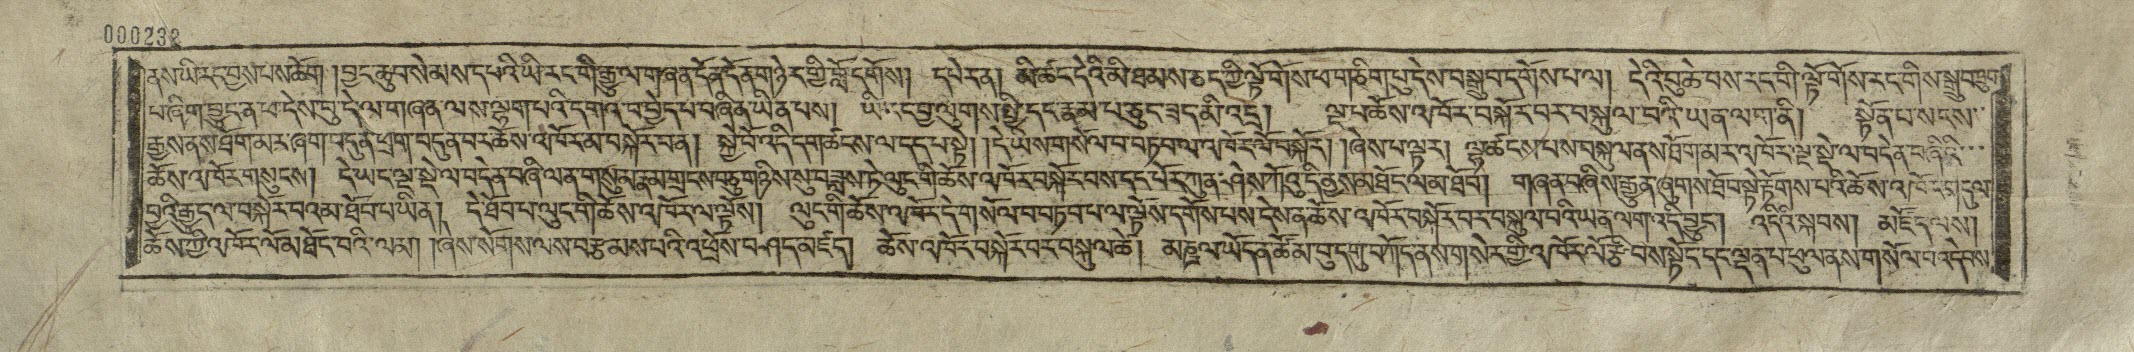ནས་ཡི་རང་བྱས་པས་ཆོག །བྱང་ཆུབ་སེམས་དཔའི་ཡི་རང་གི་རྒྱུ་ལ་གཞན་དོན་དོན་གཉེར་གྱི་བློ་དགོས། དཔེར་ན། མི་ཚང་དེའི་མི་ཐམས་ཅད་ཀྱི་ལྟོ་གོས་ཕ་གཅིག་པུ་དེས་བསྒྲུབ་དགོས་པ་ལ། དེའི་བུ་ཆེ་བས་རང་གི་ལྟོ་གོས་རང་གིས་སྒྲུབ་ཐུབ་
པ་ཞིག་བྱུང་ན་ཕ་དེས་བུ་དེ་ལ་གཞན་ལས་ལྷག་པའི་དགའ་བ་བྱེད་པ་བཞིན་ཡིན་པས། ཡི་རང་བྱ་ལུགས་སྤྱི་དང་རྣམ་པ་ཅུང་ཟད་མི་འདྲ། ལྔ་པ་ཆོས་འཁོར་བསྐོར་བར་བསྐུལ་བའི་ཡན་ལག་ནི། སྟོན་པ་སངས་
རྒྱས་ནས་ཐོག་མར་ཞག་བདུན་ཕྲག་བདུན་བར་ཆོས་འཁོར་མ་བསྐོར་བ་ན། སྐྱེ་བོ་འདི་དག་ཚངས་ལ་དད་པ་སྟེ། །དེ་ཡིས་གསོལ་བ་བཏབ་ལ་འཁོར་ལོ་བསྐོར། །ཞེས་པ་ལྟར། ལྷ་ཚངས་པས་བསྐུལ་ནས་ཐོག་མར་འཁོར་ལྔ་སྡེ་ལ་བདེན་བཞིའི་
ཆོས་འཁོར་གསུངས། དེ་ཡང་ལྔ་སྡེ་ལ་བདེན་བཞི་ལན་གསུམ་རྣམ་གྲངས་བཅུ་གཉིས་སུ་བཟླས་ཏེ་ལུང་གི་ཆོས་འཁོར་བསྐོར་བས་དང་པོར་ཀུན་ཤེས་ཀོའུ་དི་ནཡས་དགྲ་བཅོམ་ཐོབ། གཞན་བཞིས་རྒྱུན་ཞུགས་ཐོབ་སྟེ་རྟོགས་པའི་ཆོས་འཁོར་གདུལ་
བྱའི་རྒྱུད་ལ་བསྐོར་བའམ་ཐོབ་པ་ཡིན། དེ་ཐོབ་པ་ལུང་གི་ཆོས་འཁོར་ལ་ལྟོས། ལུང་གི་ཆོས་འཁོར་དེ་གསོལ་བ་བཏབ་པ་ལ་ལྟོས་དགོས་པས་དེས་ན་ཆོས་འཁོར་བསྐོར་བར་བསྐུལ་བའི་ཡན་ལག་འདི་བྱུང་། འདིའི་སྐབས། མཛོད་ལས།
ཆོས་ཀྱི་འཁོར་ལོ་མཐོང་བའི་ལམ། །ཞེས་སོགས་ལས་བརྩམས་པའི་འཕྲོས་བཤད་མཛད། ཆོས་འཁོར་བསྐོར་བར་བསྐུལ་ཚེ། མཎྜལ་ཡོད་ན་ཚོམ་བུ་དགུ་བཀོད་ནས་གསེར་གྱི་འཁོར་ལོ་རྩིབས་སྟོང་དང་ལྡན་པ་ཕུལ་ནས་གསོལ་བ་འདེབས་